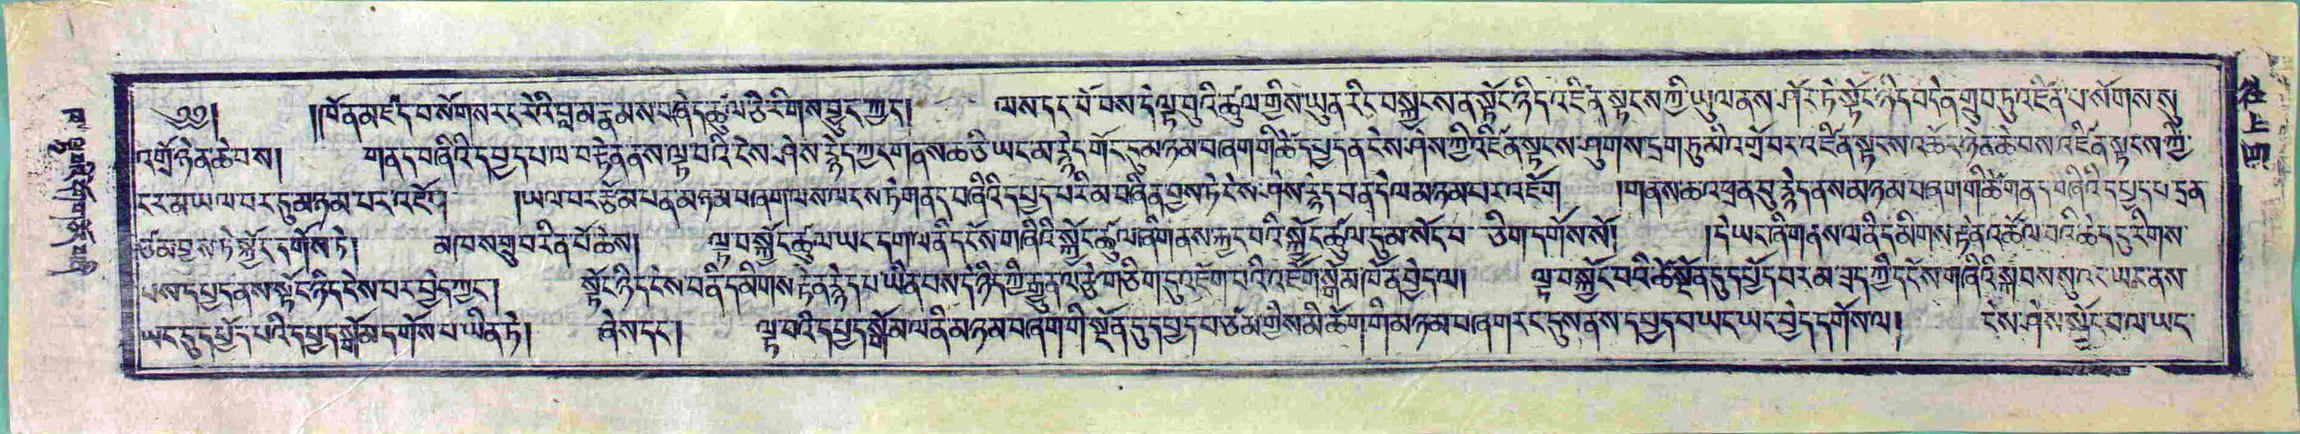ཁོ་ན་མཛད་པ་སོགས་རང་རེའི་བླ་མ་རྣམས་བཞེད་ཚུལ་ཅི་རིགས་བྱུང་
ཀྱང་། ལས་དད་པོ་བས་དེ་ལྟ་བུའི་ཚུལ་གྱིས་ཡུན་རིང་བསྐྱད་ས་ན་སྟོང་ཉིད་འཛིན་སྟངས་ཀྱི་ཡུལ་ནས་ཤོར་ཏེ་སྟོང་ཉིད་བདེན་གྲུབ་ཏུ་འཛིན་པ་སོགས་སུ་འགྲོ་ཉེན་ཆེབས།
གནད་བཞིའི་དཔྱད་པ་ལ་བརྟེན་ནས་ལྟ་བའི་ངེས་ཤེས་རྙེད་ཀྱང་གནས་ཆ་ཅི་ཡང་མ་རྙེད་གོང་དུ་མཉམ་བཞག་གི་ཚེད་པྱད་ན་ངེས་ཤེས་ཀྱི་འཛིན་སྟངས་ཤུགས་དྲག་ཏུ་མི་འགྲོ་བར་འཛིན་
སྟངས་འཆོར་ཉེན་ཆེ་བས་འཛིན་སྟངས་ཀྱི་ངར་མ་ཡལ་བར་དུ་མཉམ་པར་འཇོག །ཡལ་བར་རྩོམ་པ་ན་མཉམ་བཞག་ལས་ལངས་ཏེ་གནད་བཞིའི་དཔྱད་པ་རིམ་བཞིན་བྱས་༄༅། །ཏེ་ངེས་ཤེས་རྙེད་པ་ན་དེ་ལ་མཉམ་པར་འཇོག །གནས་ཆ་འཕྲན་དུ་རྙེད་ནས་མཉམ་བཞག་གི་ཚེ་གནད་བཞིའི་དཔྱད་པ་དྲན་ཙམ་བྱས་ཏེ་སྐྱོང་དགོས་ཏེ།
མཁས་གྲུབ་རིན་པོ་ཆེས། ལྟ་བ་སྐྱོང་ཚུལ་ཡང་དག་ལ་ནི་དངོས་གཞིའི་སྐྱོང་ཚུལ་ཞི་གནས་རྐྱང་བའི་སྐྱོང་ཚུལ་དུ་མ་སོང་བ་ཅིག་དགོས་སོ། །དེ་ཡང་ཞིག་གནས་ལ་ནི་དམིགས་
རྟེན་འཚོལ་བའི་ཆེད་དུ་རིགས་པས་དབྱད་ནས་སྟོང་ཉིད་དེས་པར་བྱེད་ཀྱང་། སྟོང་ཉིད་དེས་པ་ནི་དམིགས་རྟན་རྙེད་པ་ཡིན་པས་དེ་ཉིད་ཀྱི་རྒྱུན་ལ་རྩེ་གཅིག་དུ་འཇོག་པའི་འཇོག་
སྒོམ་ཁོ་ན་བྱེད་ལ། །ལྟ་བ་སྐྱོང་བའི་ཚེ་སྔོན་དུ་དཔྱོད་པར་མ་ཟད་ཀྱི་དངོས་གཞིའི་སྐབས་སུའང་ཡང་ནས་ཡང་དུ་དཔྱོད་པའི་དཔྱད་སྒོམ་དགོས་པ་ཡིན་ཏེ། ཞེས་དང་། ལྟ་བའི་
དཔྱད་སྒོམ་ལ་ནི་མཉམ་བཞག་གི་སྔོན་དུ་དཔྱད་པ་ཙམ་གྱིས་མི་ཆོག་གི་མཉམ་བཞག་རང་དུས་ནས་དཔྱད་པ་ཡང་ཡང་བྱེད་དགོས་ལ། ངེས་ཤེས་སྐྱོང་བ་ལ་ཡང་